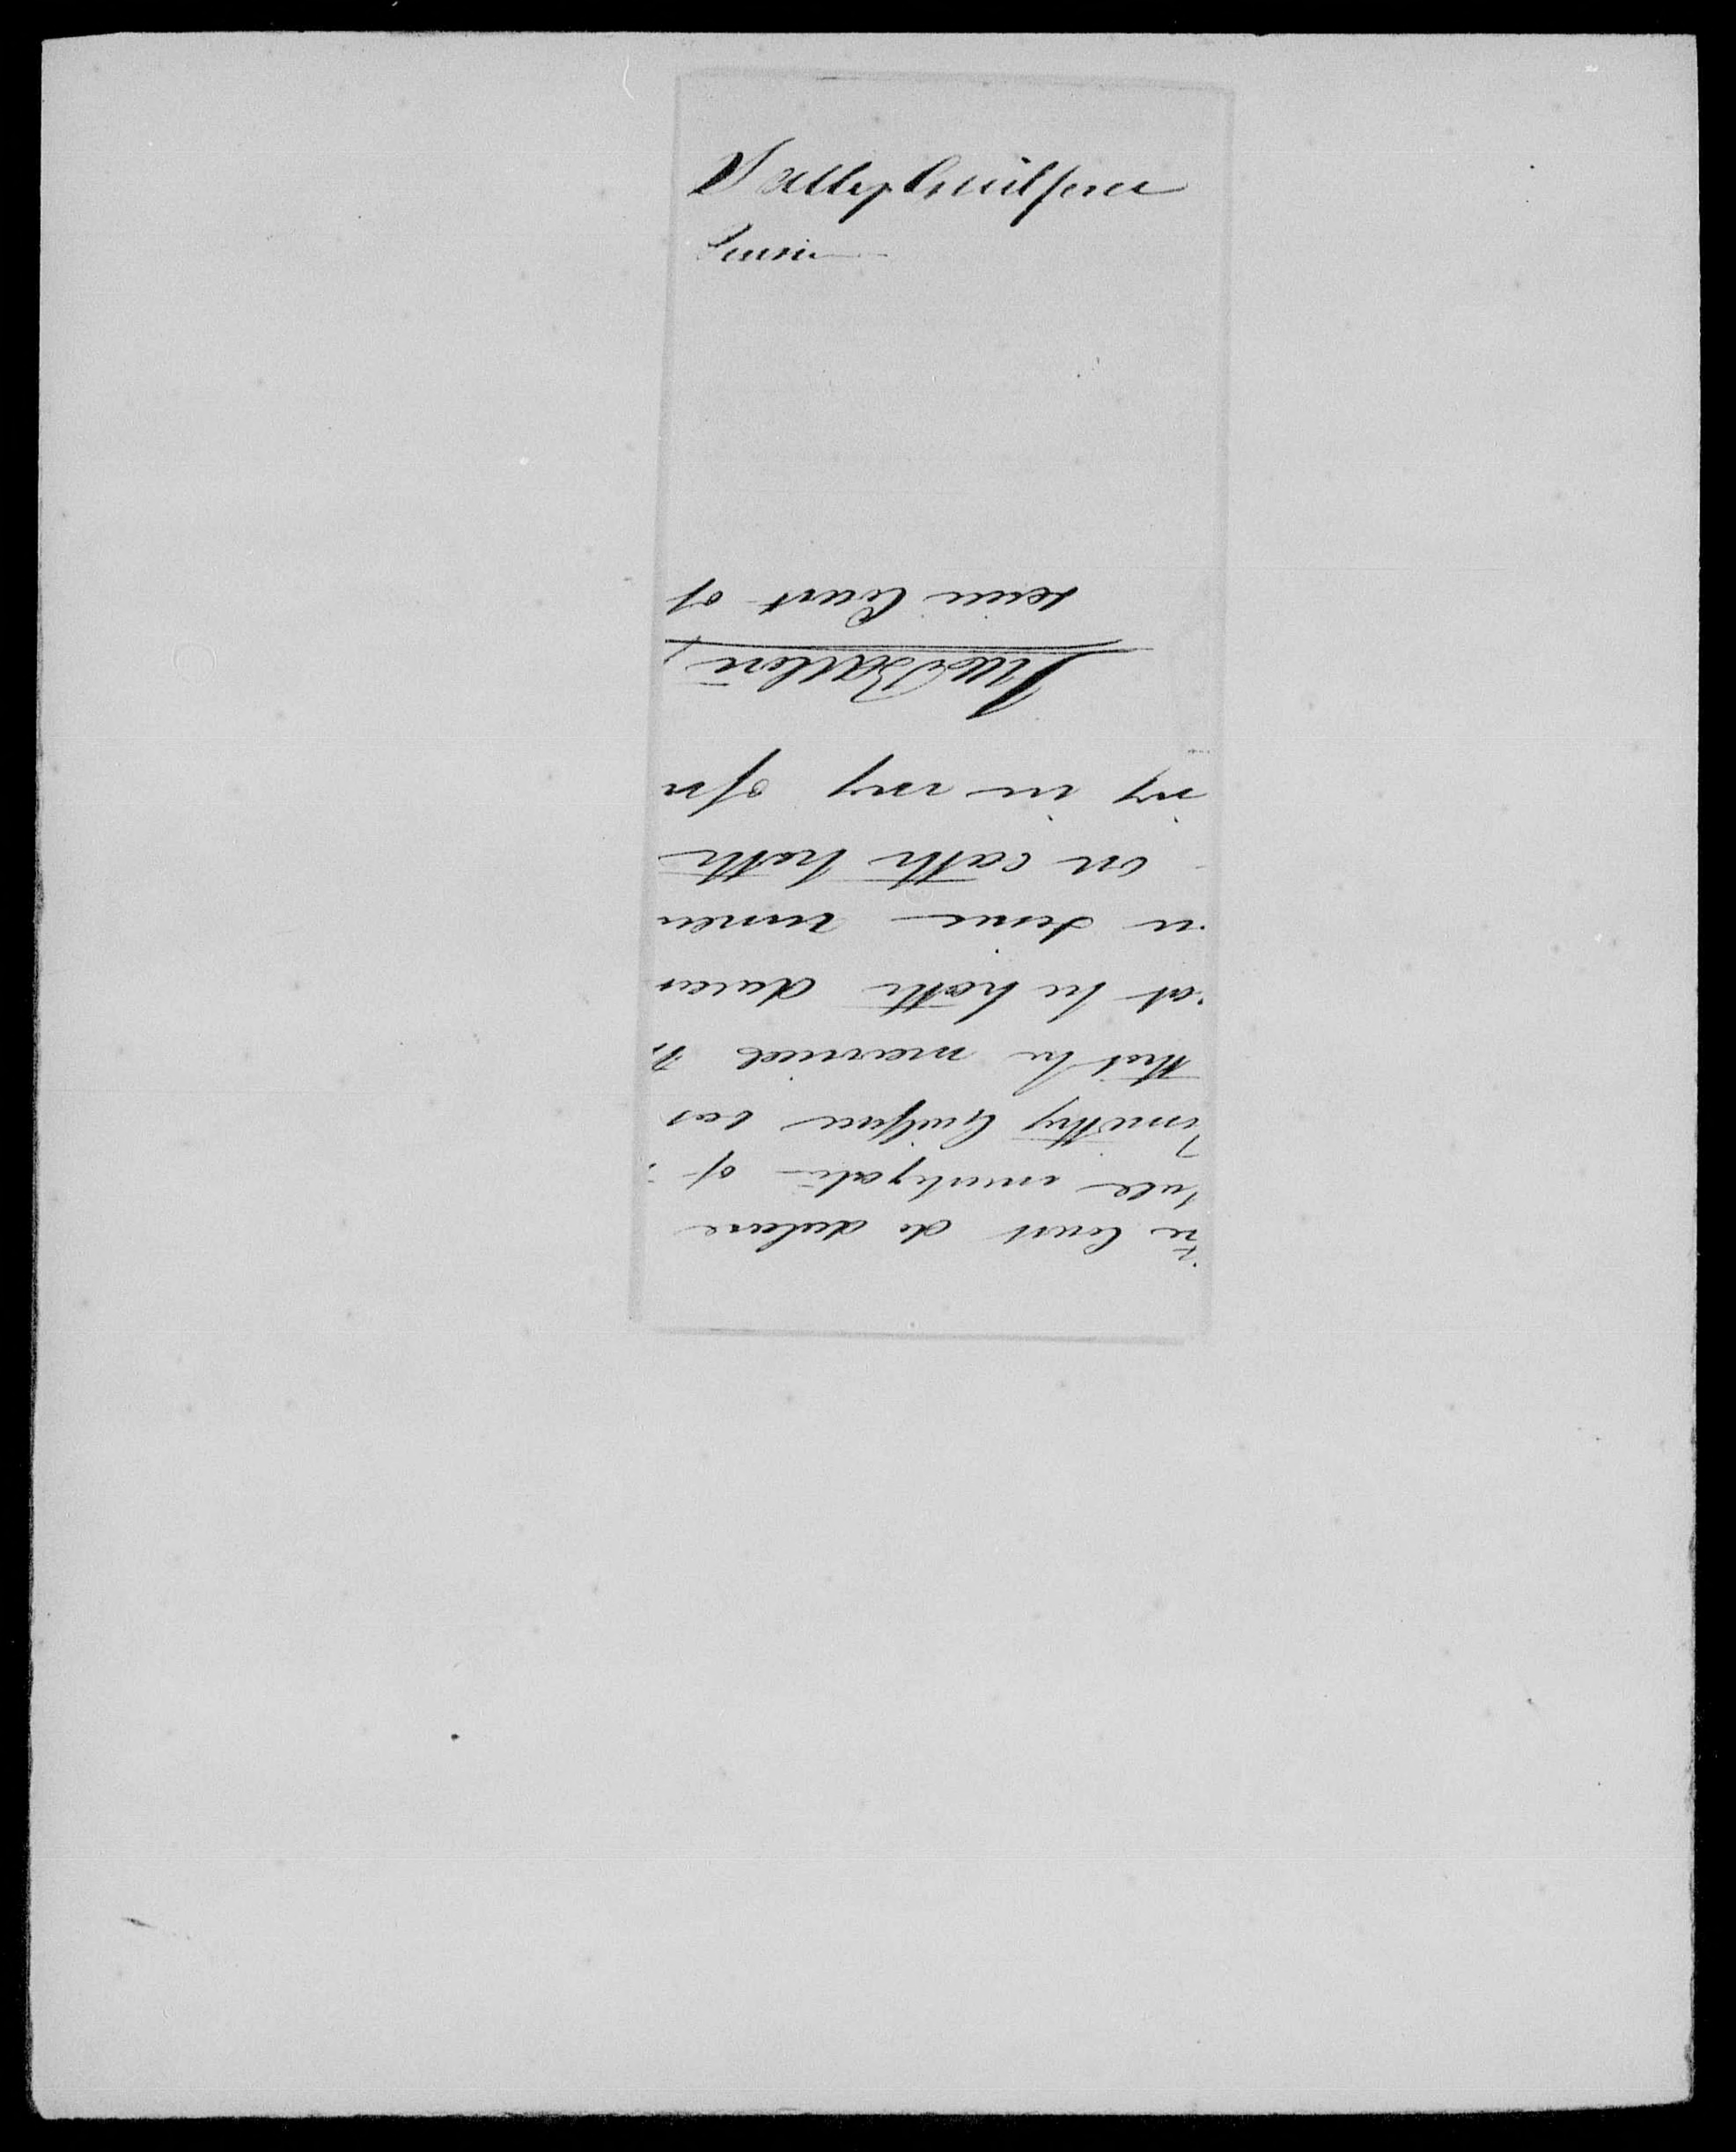Sally Guilford
[upside down, cut off on end so hard to declipher]

The court do declare full investigation of Timothy Guilford [illegible] that he married [illegible] he hathe deceased since [illegible] on oath hath [illegible] my [illegible]
[signature]
Ira Barton
[illegible] Court of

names: Sally Guilford, Ira Barton, Timothy Guilford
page: 18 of 26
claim: widow's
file: W. 21,238, Timothy Guilford, Mass.